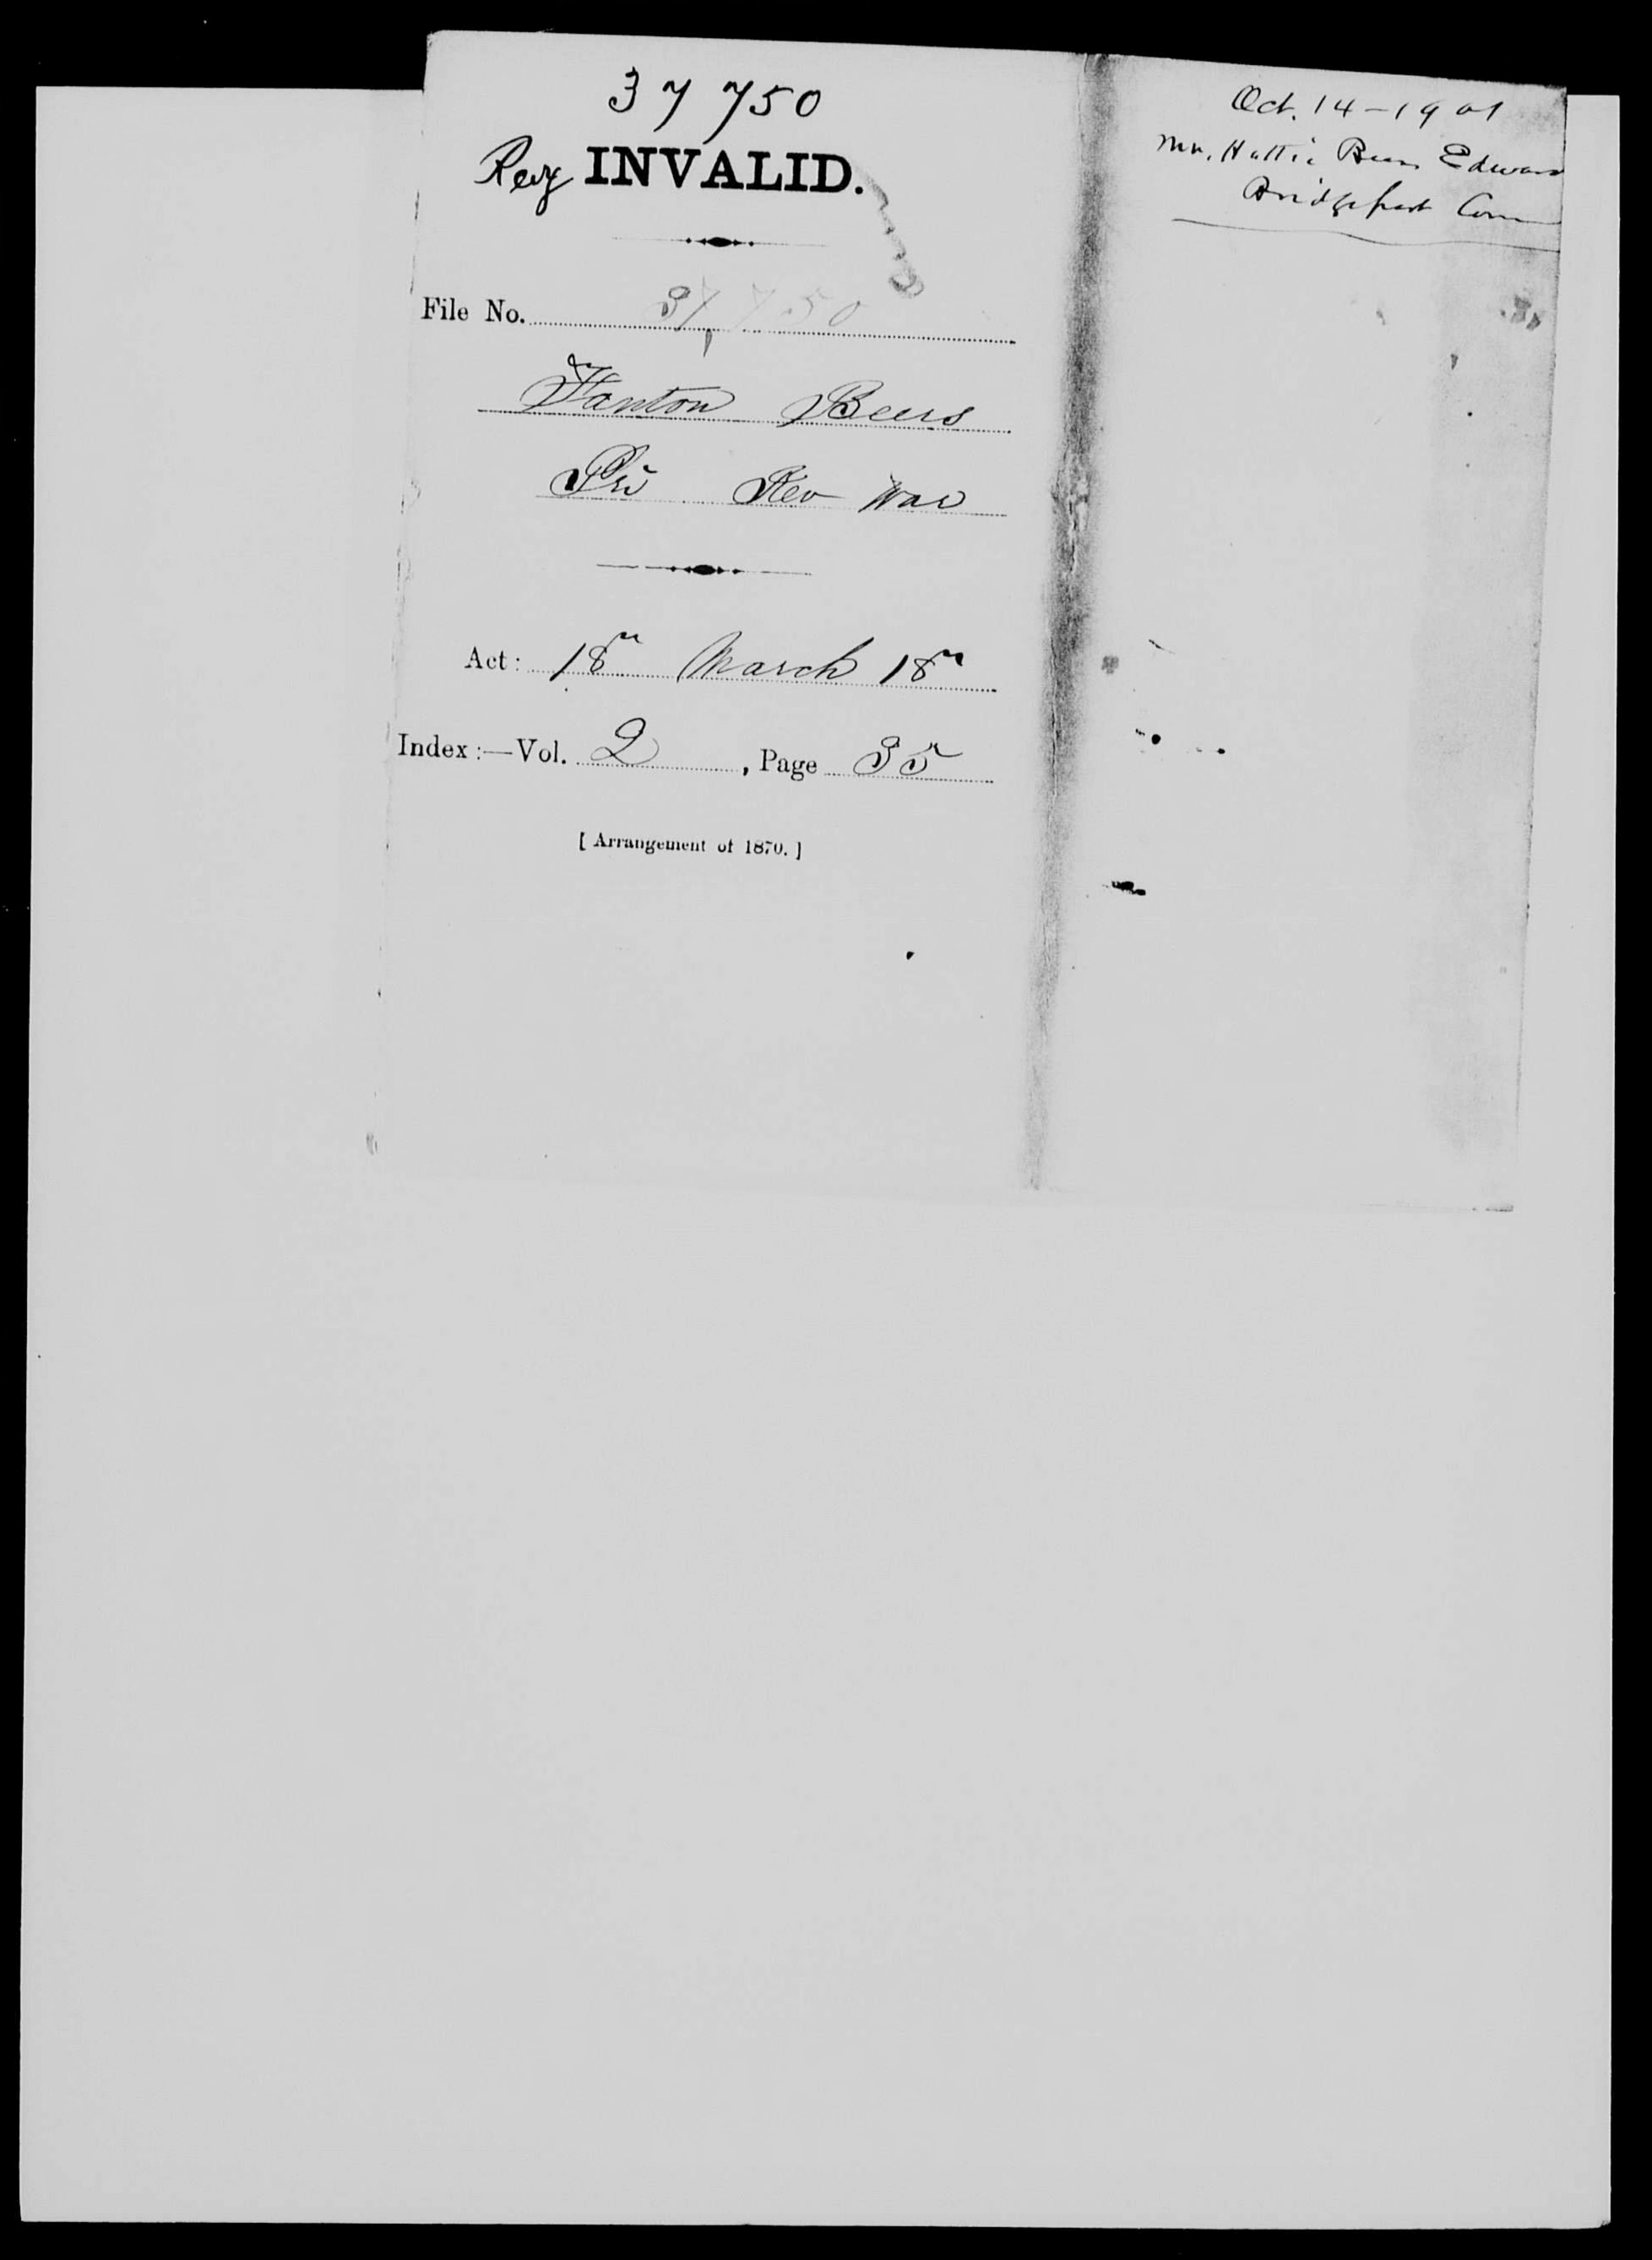37750   Revy
INVALID
File No. 31,750
Fanton Beers
Priv Rev War
Act 18 March 18__
Index: Vol 2, Page 35

Oct 14, 1901 Mrs,  Hattie Beers Edwards
Bridgeport, Conn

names: Fanton Beers, Hattie Beers Edwards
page: 12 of 23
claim: survivor's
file: S. 37,750, Fanton Beers, Conn.